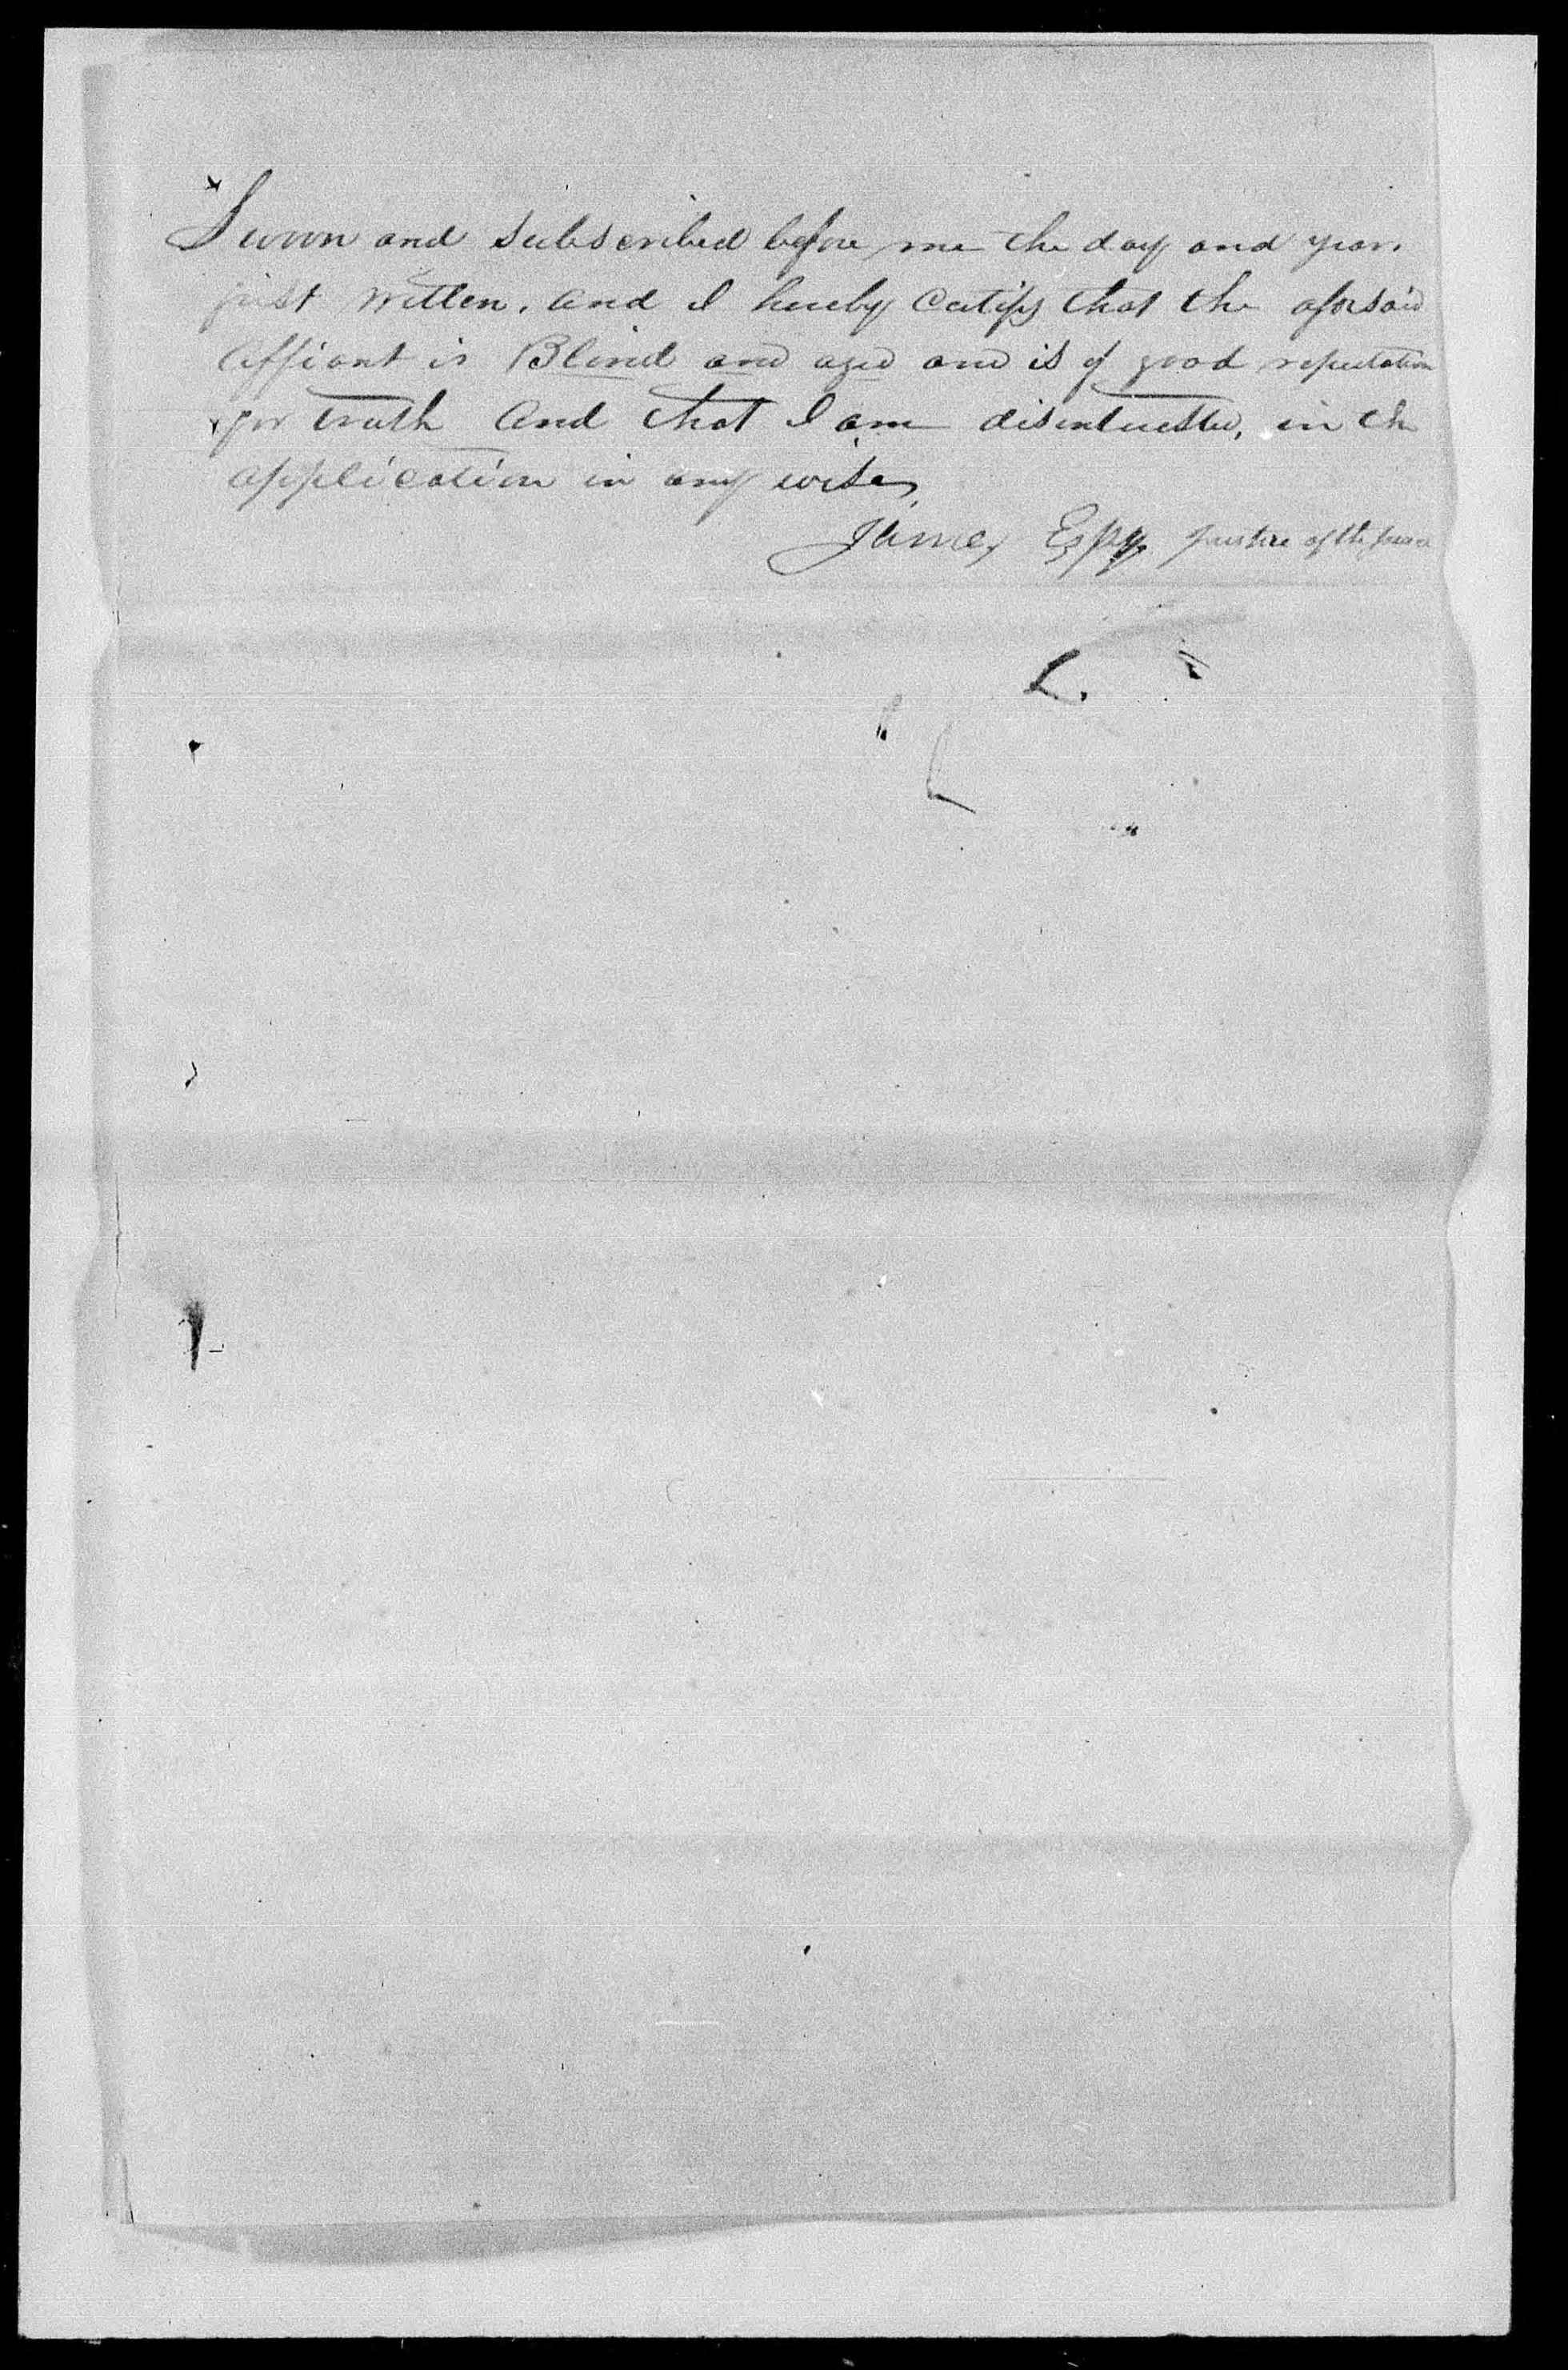Sworn and subscribed before me the day and year first written, and I hereby certify that the aforesaid affiant is Blind and aged and is of good reputation for truth. And that I am disinterested in the application in any wise

James Espy Justice of the Peace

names: James Espy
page: 24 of 63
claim: widow's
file: W. 3228, John Daly, Penn.